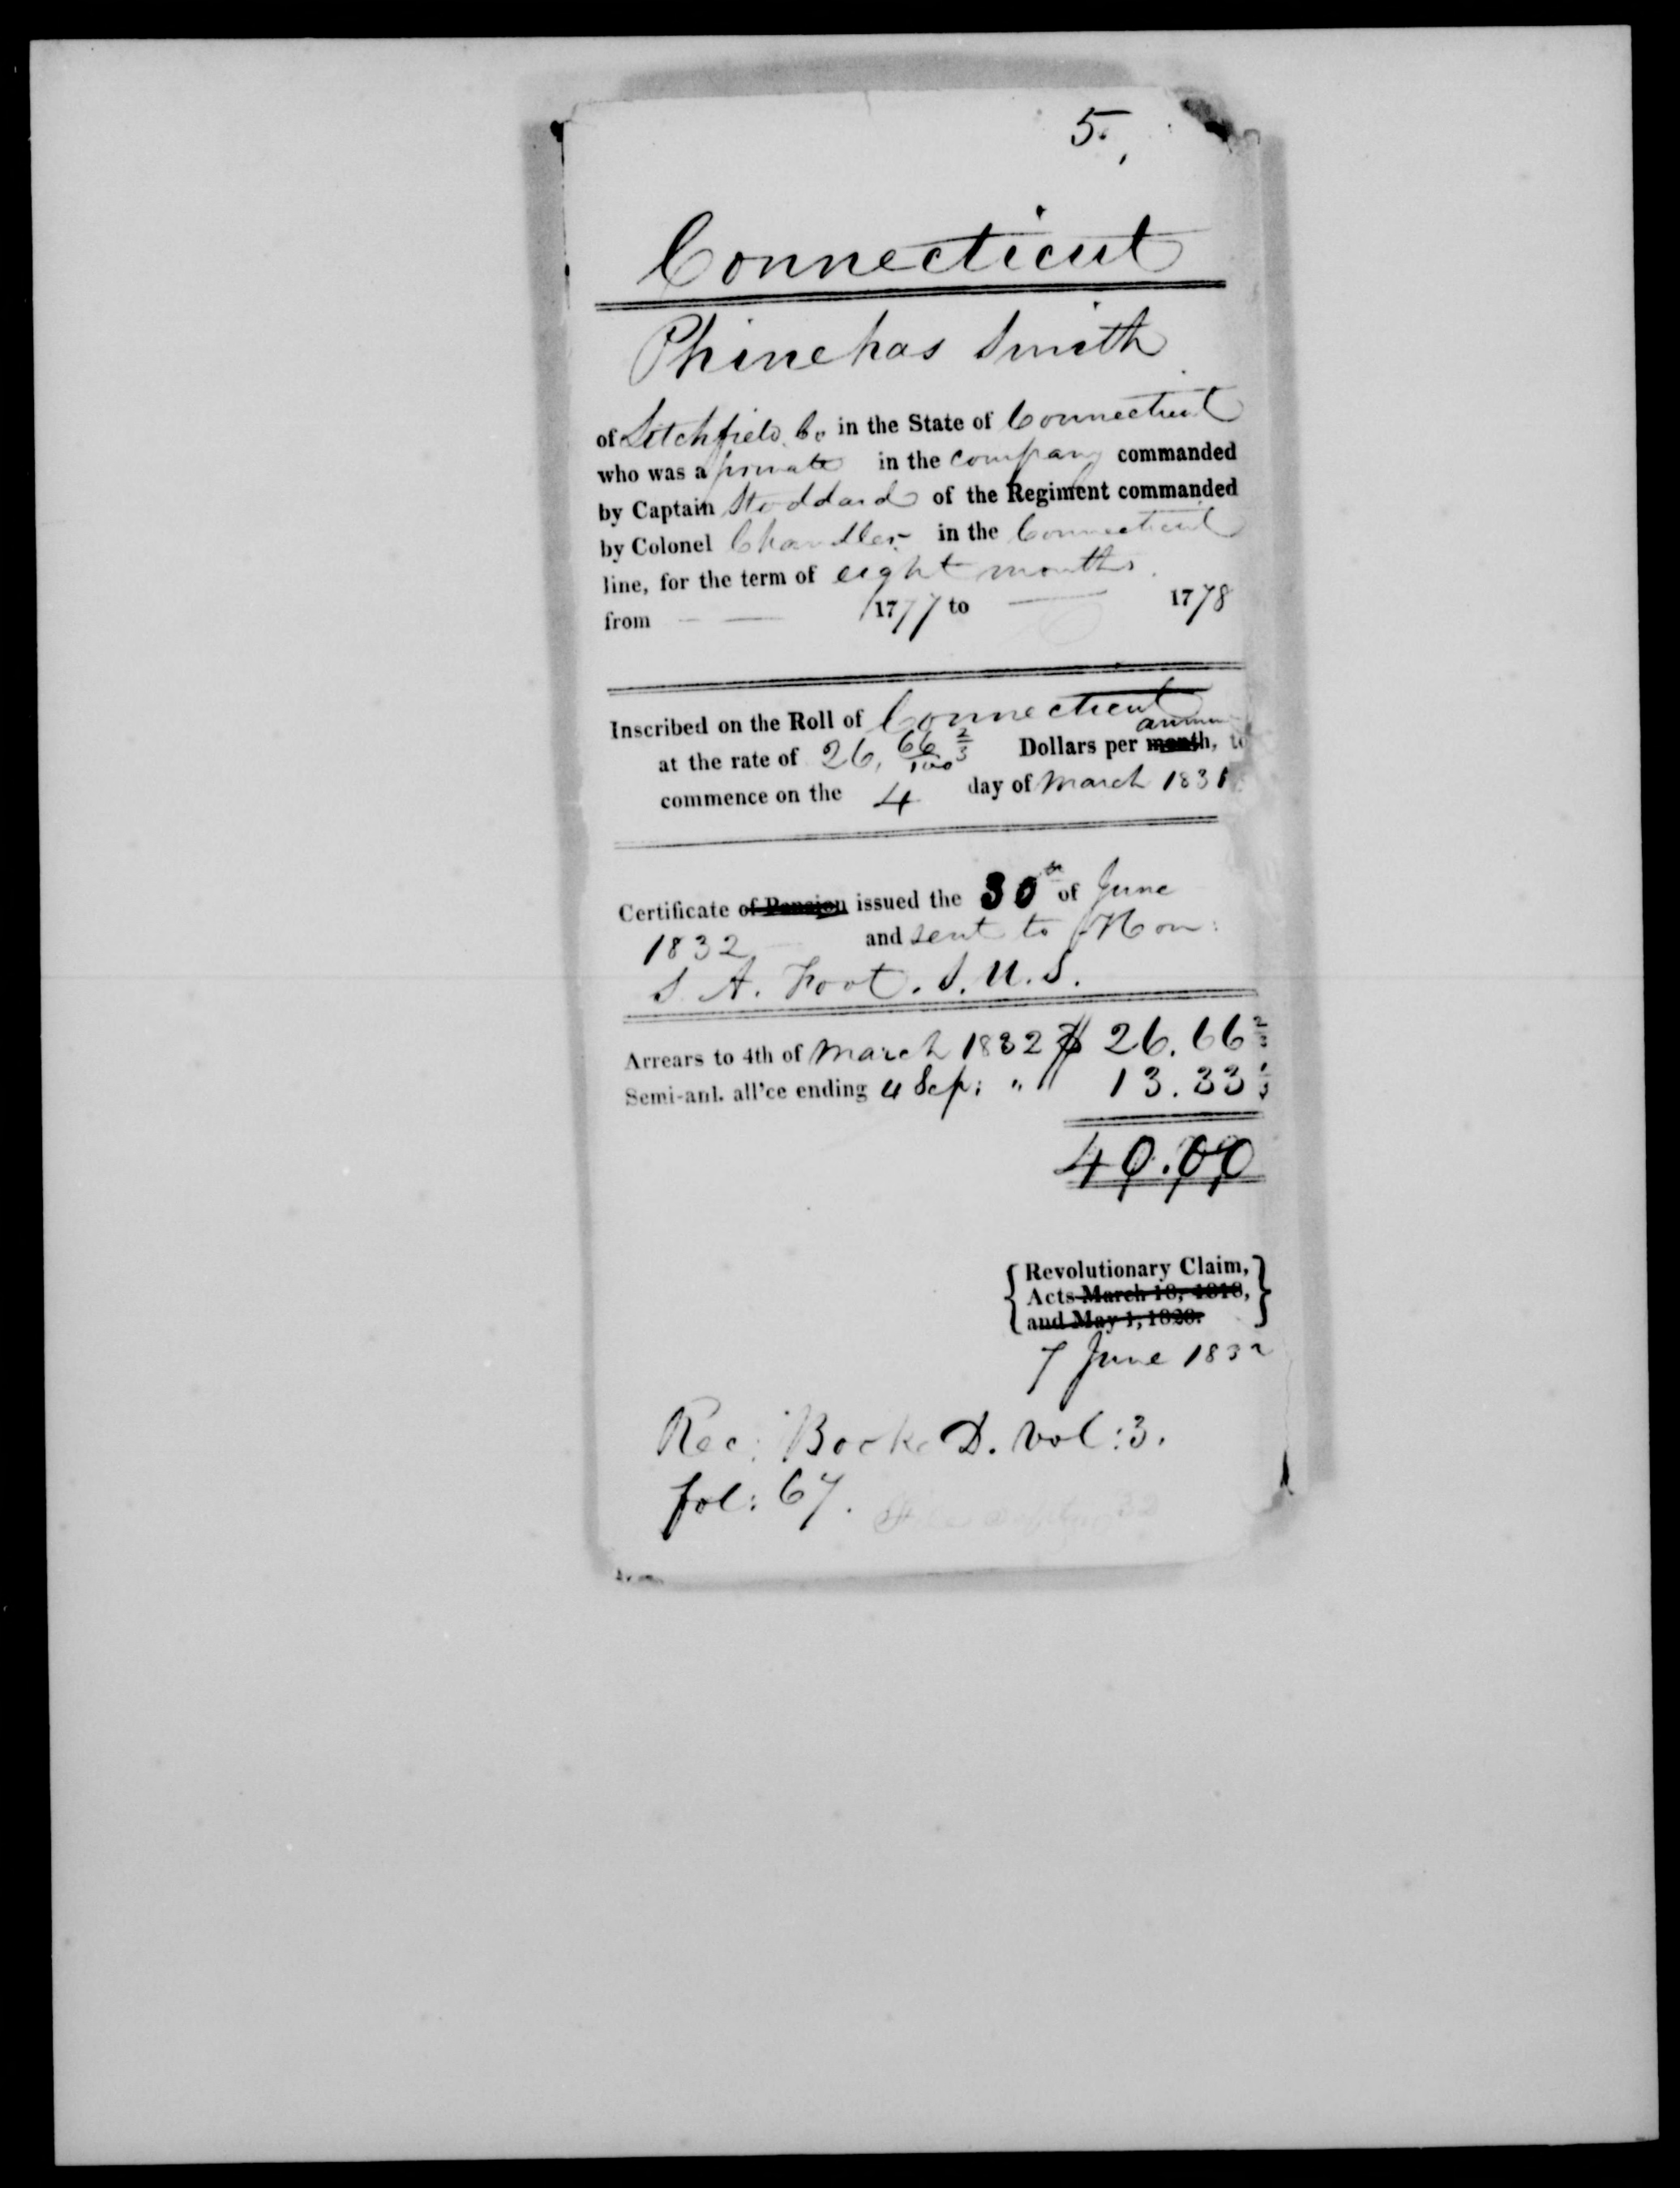Connecticut 
Phinehas Smith 
of Litchfield Co in the State of Connecticut who was a private in the company commanded by Captain Stoddard of the Regiment commanded by Colonel Chandler in the Connecticut line, for the term of eight months from 1777 to 1778 
Inscribed on the Roll of Connecticut at the rate of 26 66/100 2/3 Dollars per annum to commence on the 4 day of March 1831.   
Certificate of issued the 30th of June 1832, and sent to Hon S. A. Foot, S. U.S. 
Arrears to 4th of March 1832  $26.66 
Semi-anl all'ce ending 4 Sep 1832  13.33 
$40.00 
{Revolutionary Claim, Act 7 June 1832} 
Rec. Book D. Vol. 3. fol: 67.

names: [BLANK] Stoddard; S A Foot; [BLANK] Chandler; Phinehas Smith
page: 3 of 55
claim: widow's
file: W. 11480, for Phinehas Smith, Connecticut